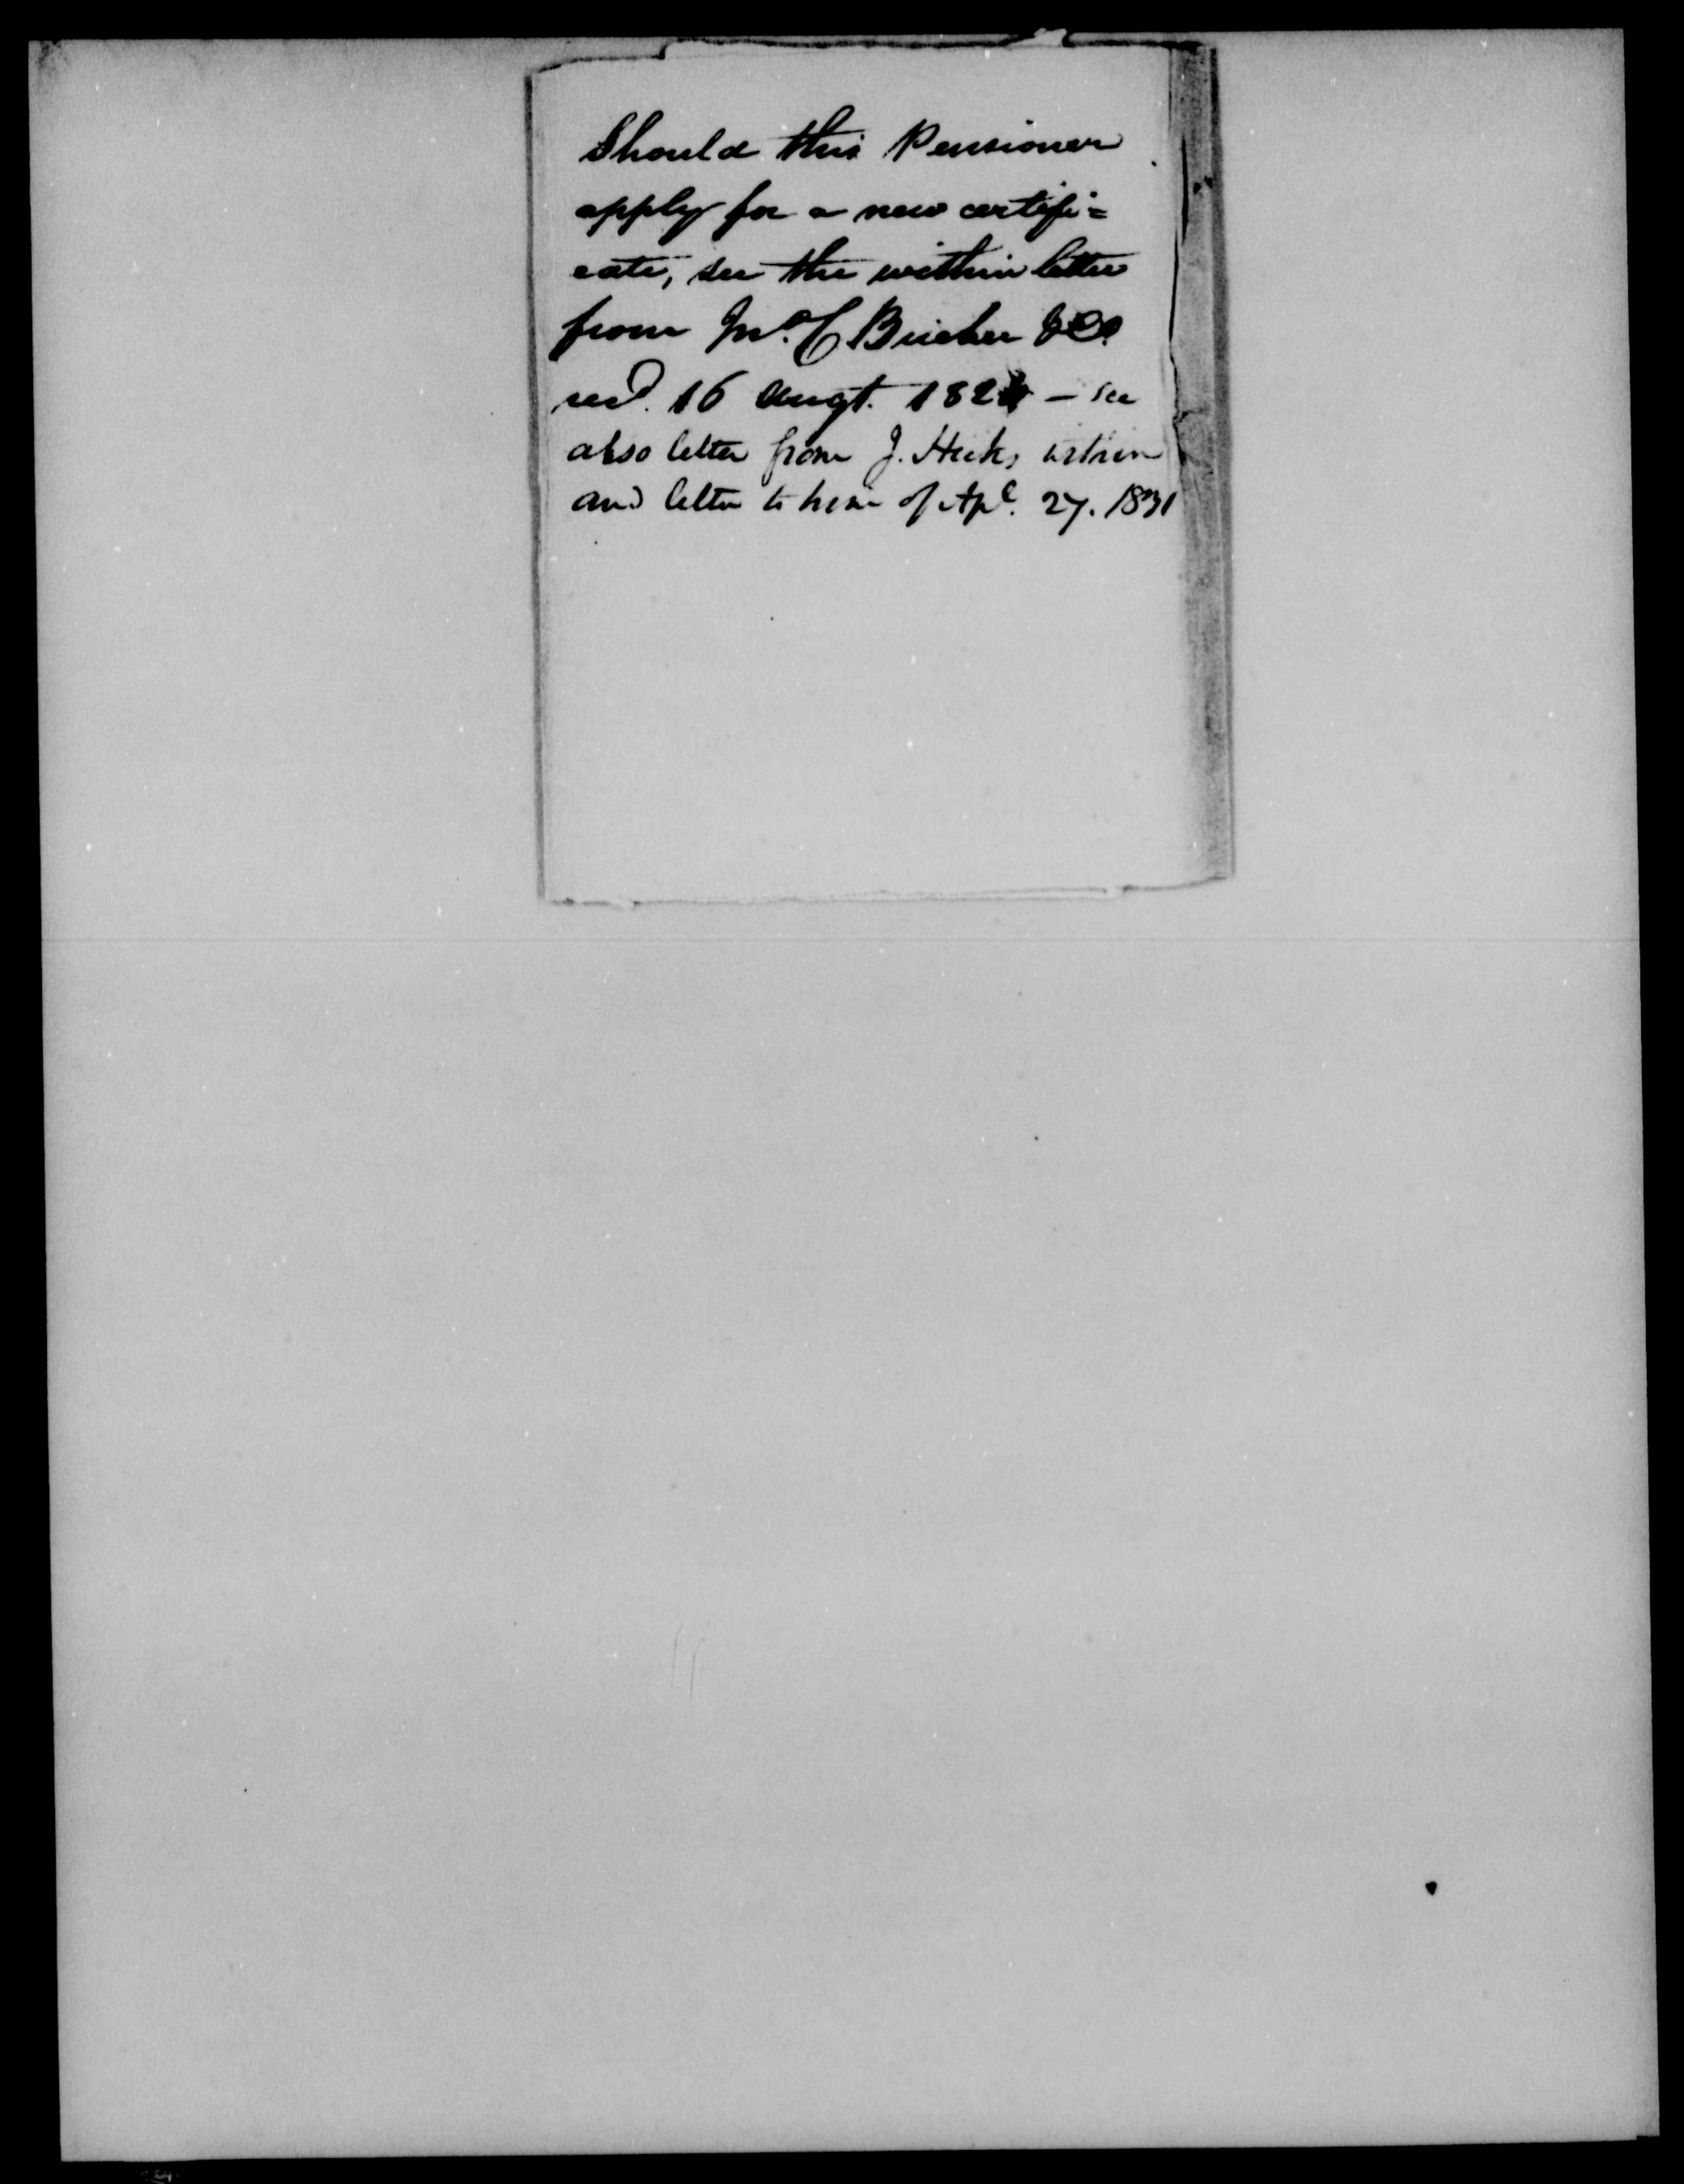Should this pensioner
apply for a new certificate, 
see the within letter
from Jno. C. Bucher {illegible}
 recd. 16 Augt. 1824 - see
also letter from J. Hicks within
and letter to him of Apr. 27, 1831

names: J Hicks; Jno C Bucher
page: 11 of 20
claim: survivor's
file: S 40454, for Edward Smith, Pennsylvania